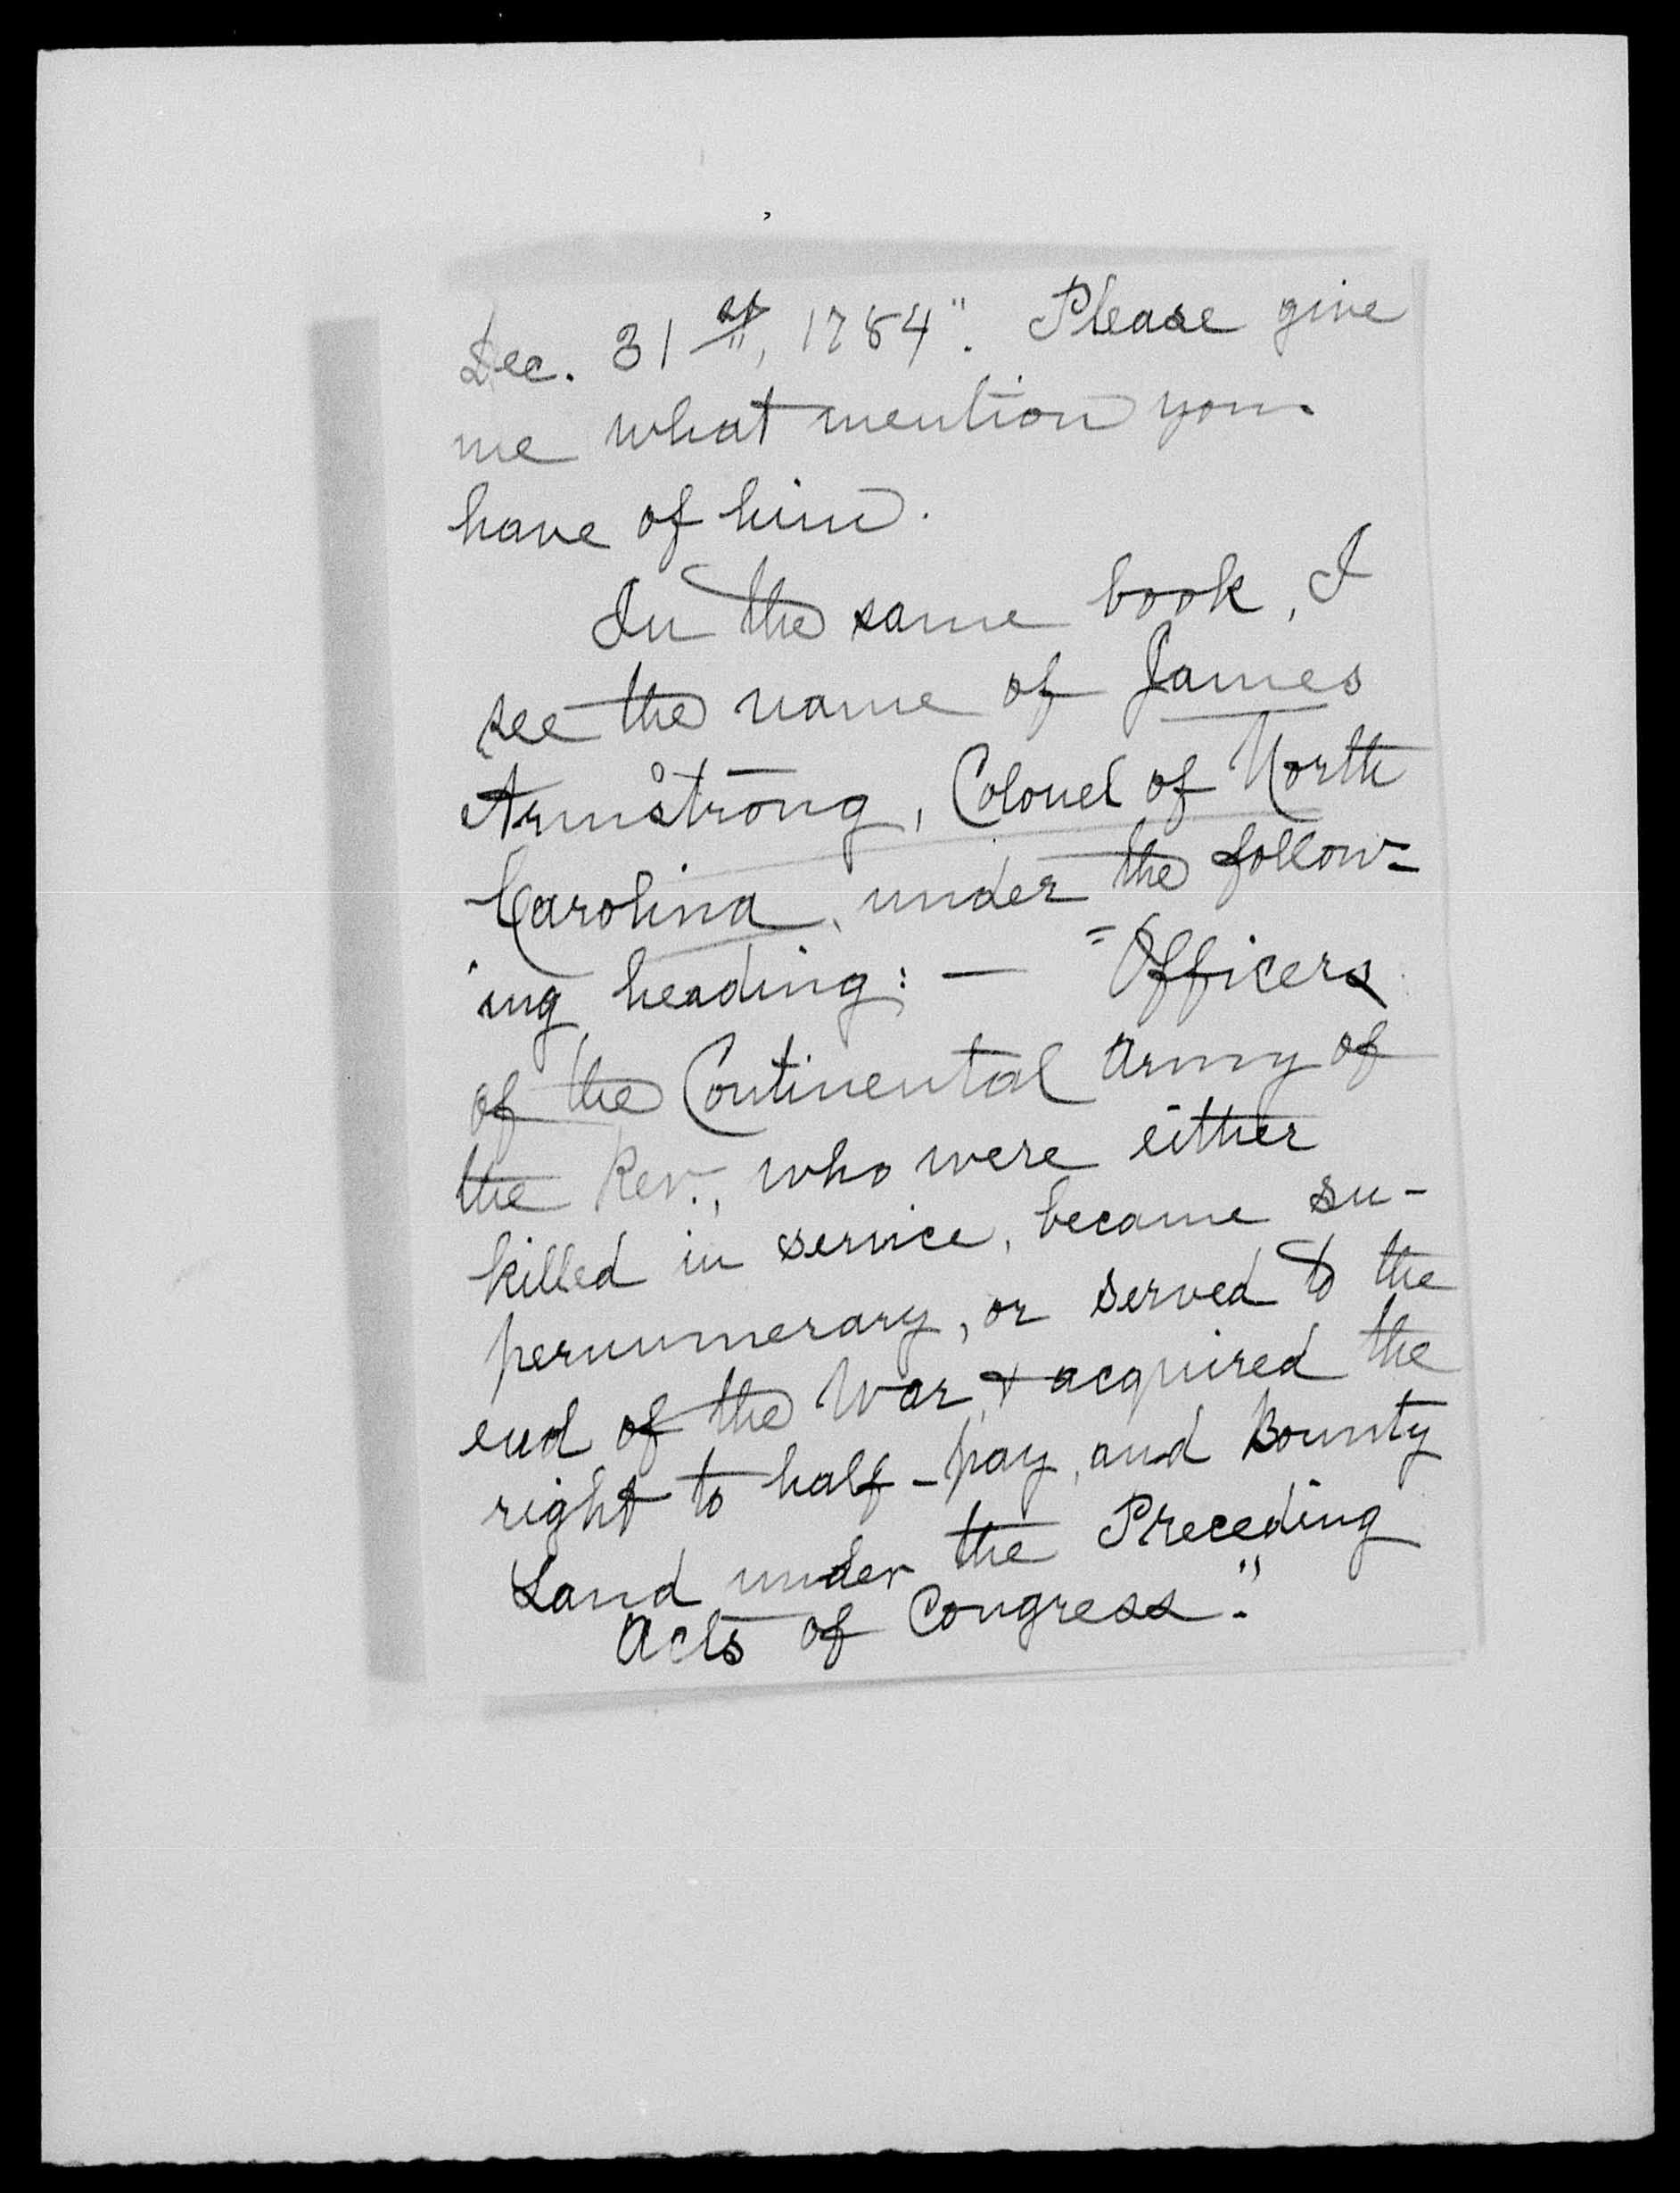Dec. 31st, 1784
Please give
me
what mention your
have of him.
In the same
book, I
see the name of James 
Armstrong, Colonel of North Carolina
under the following heading; -
"Officers
of the Continental Army of
the Rev. who were
either
killed in service, became
supernumerary, or served to the
end of the
war & acquired the
right to half - pay, and Bounty
Land under the "Preceding
of Congress."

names: James Armstrong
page: 24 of 32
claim: survivor's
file: S. 44230, James Curry, Va.